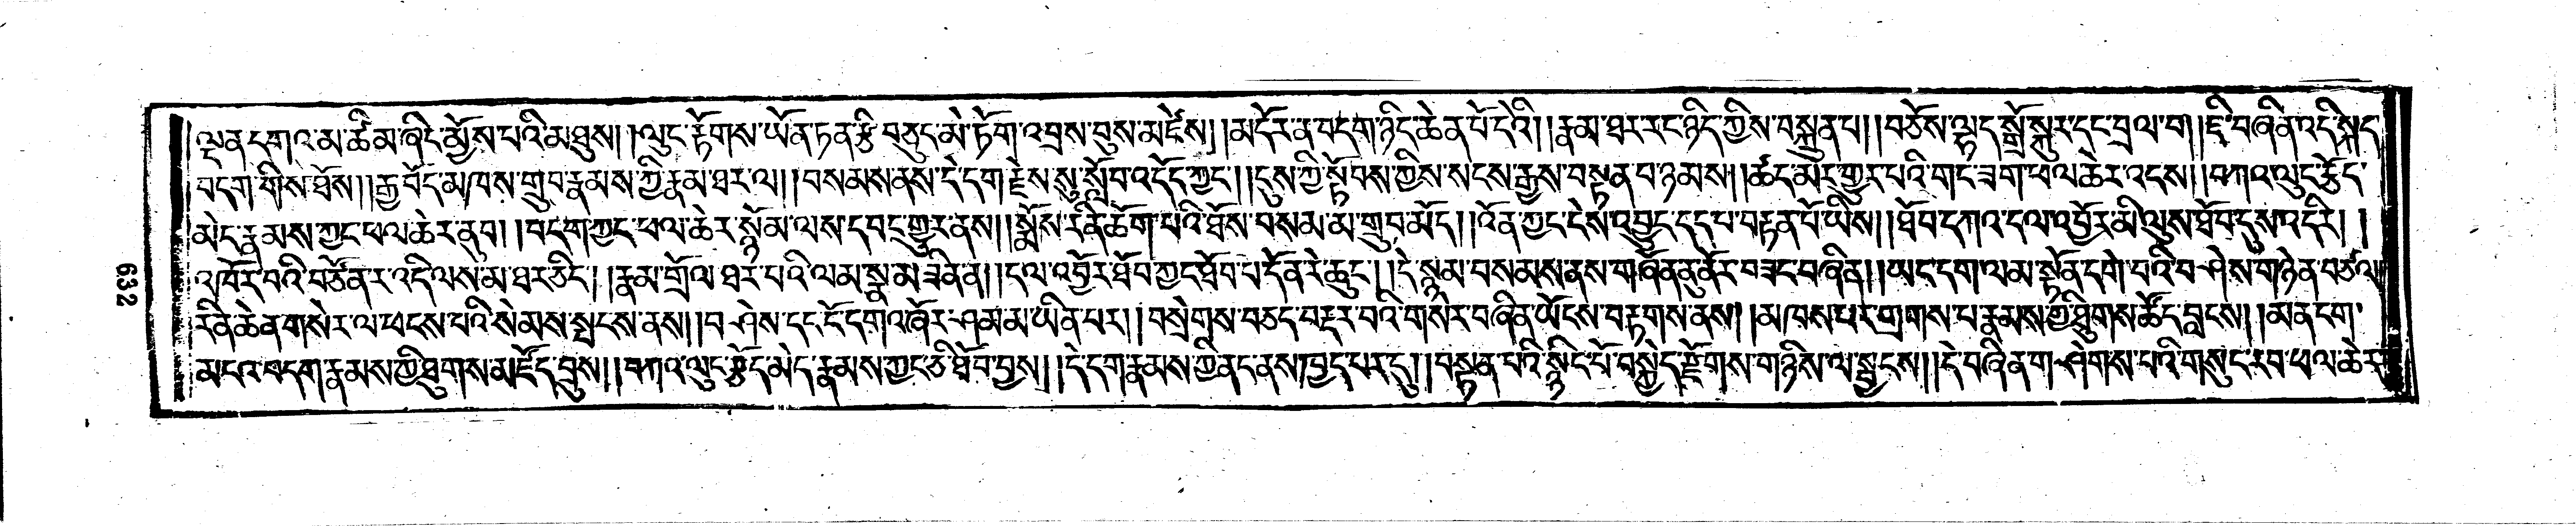ལྡན་དགའ་མ་ཚིམ་ཞིང་མྱོས་པའི་མཐུས། །ལུང་རྟོགས་ཡོན་ཏན་རྩ་བཅུད་མེ་ཏོག་འབྲས་བུས་མཛེས། །མདོར་ན་བདག་ཉིད་ཆེན་པོ་དེའི། །རྣམ་ཐར་རང་ཉིད་ཀྱིས་བསྐྲུན་པ། །བཅོས་ལྷད་སྒྲོ་སྐུར་དང་བྲལ་བ། །ཇི་བཞིན་འདི་སྐད་
བདག་གིས་ཐོས། །རྒྱ་བོད་མཁས་གྲུབ་རྣམས་ཀྱི་རྣམ་ཐར་ལ། །བསམས་ནས་དེ་དག་རྗེས་སུ་སློབ་འདོད་ཀྱང་། །དུས་ཀྱི་སྟོབས་ཀྱིས་སངས་རྒྱས་བསྟན་པ་ཉམས། །ཚད་མར་གྱུར་པའི་གང་ཟག་ཕལ་ཆེར་འདས། །བཀའ་ལུང་རྩོད་
མེད་རྣམས་ཀྱང་ཕལ་ཆེར་ནུབ། །བདག་ཀྱང་ཕལ་ཆེར་སྙོམ་ལས་དབང་གྱུར་ནས། །སྨོས་རིན་ཆོག་པའི་ཐོས་བསམ་མ་གྲུབ་མོད། །འོན་ཀྱང་ངེས་འབྱུང་དད་པ་བརྟན་པོ་ཡིས། །ཐོབ་དཀའ་དལ་འབྱོར་མི་ལུས་ཐོབ་དུས་འདིར། །
འཁོར་བའི་བཙོན་ར་འདི་ལས་མ་ཐར་ཅིང་། །རྣམ་གྲོལ་ཐར་པའི་ལམ་སྣ་མ་ཟིན་ན། །དལ་འབྱོར་ཐོབ་ཀྱང་ཐོབ་པ་དོན་རེ་ཆུང་། །དེ་སྙམ་བསམས་ནས་གཞོན་ནུ་ནོར་བཟང་བཞིན། །ཡང་དག་ལམ་སྟོན་དགེ་བའི་བཤེས་གཉེན་བཙལ།།
རིན་ཆེན་གསེར་ལ་ཕངས་པའི་སེམས་སྤངས་ནས། །བཤེས་དང་ངོ་དགའ་ཞོར་ཤམ་མ་ཡིན་པར། །བསྲེགས་བཅད་བརྡར་བའི་གསེར་བཞིན་ཡོངས་བརྟགས་ནས། །མཁས་པར་གྲགས་པ་རྣམས་ཀྱི་ཐུགས་ཚོད་བླངས། །མན་ངག་
མངའ་བདག་རྣམས་ཀྱི་ཐུགས་མཛོད་བྲུས། །བཀའ་ལུང་རྩོད་མེད་རྣམས་ཀྱང་ཅི་ཐོབ་བྱས། །དེ་དག་རྣམས་ཀྱི་ནང་ནས་ཁྱད་པར་དུ། །བསྟན་པའི་སྙིང་པོ་བསྐྱེད་རྫོགས་གཉིས་ལ་སྦྱངས། །དེ་བཞིན་གཤེགས་པའི་གསུང་རབ་ཕལ་ཆེར་